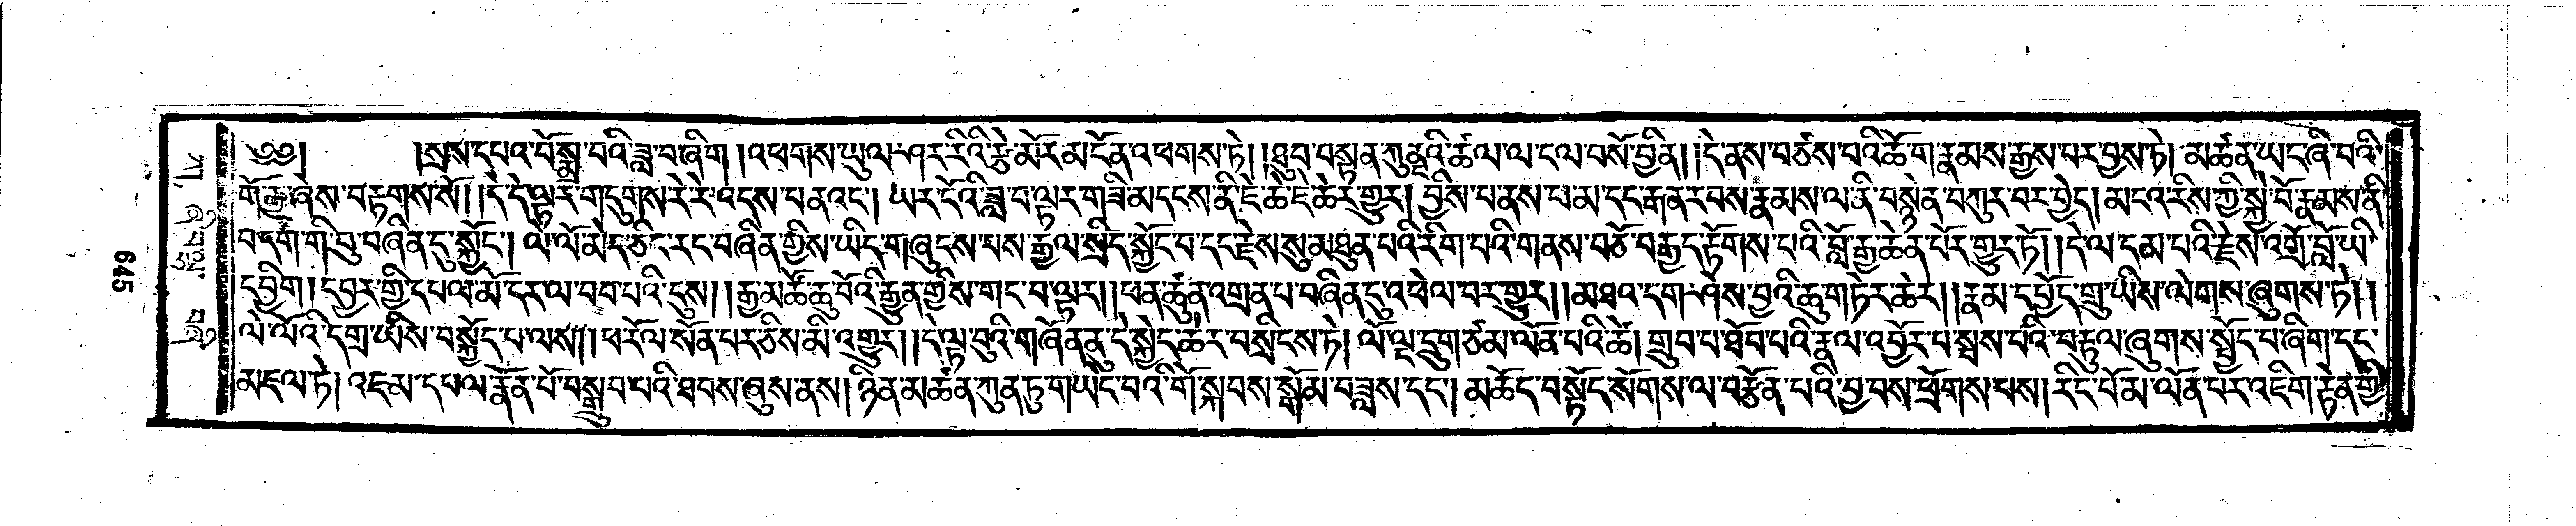༄༅། །སྲས་དཔའ་བོ་སྨྲ་བའི་ཟླ་བ་ཞིག །འཕགས་ཡུལ་ཤར་རིའི་རྩེ་མོར་མངོན་འཕགས་ཏེ། །ཐུབ་བསྟན་ཀུནྡའི་ཚལ་ལ་ངལ་བསོ་བྱིན། །དེ་ནས་བཙས་པའི་ཆོ་ག་རྣམས་རྒྱས་པར་བྱས་ཏེ། མཚན་ཡང་ཞི་བའི་
གོ་ཆ་ཞེས་བརྟགས་སོ། །དེ་དེ་ལྟར་གདུགས་རེ་རེ་འདས་པ་ནའང་། ཡར་ངོའི་ཟླ་བ་ལྟར་གཟི་མདངས་ནི་ཇེ་ཆེ་ཇེ་ཆེར་གྱུར། བྱིས་པ་ནས་ཕ་མ་དང་རྒན་རབས་རྣམས་ལ་ནི་བསྙེན་བཀུར་བར་བྱེད། མངའ་རིས་ཀྱི་སྐྱེ་བོ་རྣམས་ནི་
བདག་གི་བུ་བཞིན་དུ་སྐྱོང་། ལེ་ལོ་མེད་ཅིང་རང་བཞིན་གྱིས་ཡིད་གཞུངས་པས་རྒྱལ་སྲིད་སྐྱོང་བ་དང་རྗེས་སུ་མཐུན་པའི་རིག་པའི་གནས་བཅོ་བརྒྱད་རྟོགས་པའི་བློ་རྒྱ་ཆེན་པོར་གྱུར་ཏོ། །དེ་ལ་དམ་པའི་རྗེས་འགྲོ་བློ་ཡི་
དབྱིག །དབྱར་གྱི་དཔལ་མོ་དར་ལ་བབ་པའི་དུས། །རྒྱ་མཚོ་ཆུ་བོའི་རྒྱུན་གྱིས་གང་བ་ལྟར། །ཕན་ཚུན་འགྲན་པ་བཞིན་དུ་འཕེལ་བར་གྱུར། །མཐའ་དག་ཤེས་བྱའི་ཆུ་གཏེར་ཆེར། །རྣམ་དཔྱོད་གྲུ་ཡིས་ལེགས་ཞུགས་ཏེ། །
ལེ་ལོའི་དགྲ་ཡིས་བསྐྱོད་པ་ལས། །ཕ་རོལ་སོན་པར་ཅིས་མི་འགྱུར། །དེ་ལྟ་བུའི་གཞོན་ནུ་དེ་སྐྱེད་ཆེར་བསྲིངས་ཏེ། ལོ་ལྔ་དྲུག་ཙམ་ལོན་པའི་ཚེ། གྲུབ་པ་ཐོབ་པའི་རྣལ་འབྱོར་པ་སྦས་པའི་བརྟུལ་ཞུགས་སྤྱོད་པ་ཞིག་དང་
མཇལ་ཏེ། འཇམ་དཔལ་རྣོན་པོ་བསྒྲུབ་པའི་ཐབས་ཞུས་ནས། ཉིན་མཚན་ཀུན་ཏུ་གཡེང་བའི་གོ་སྐབས་སྒོམ་བཟླས་དང་། མཆོད་བསྟོད་སོགས་ལ་བརྩོན་པའི་བྱ་བས་ཕྲོགས་པས། རིང་པོ་མ་ལོན་པར་འཇིག་རྟེན་གྱི་